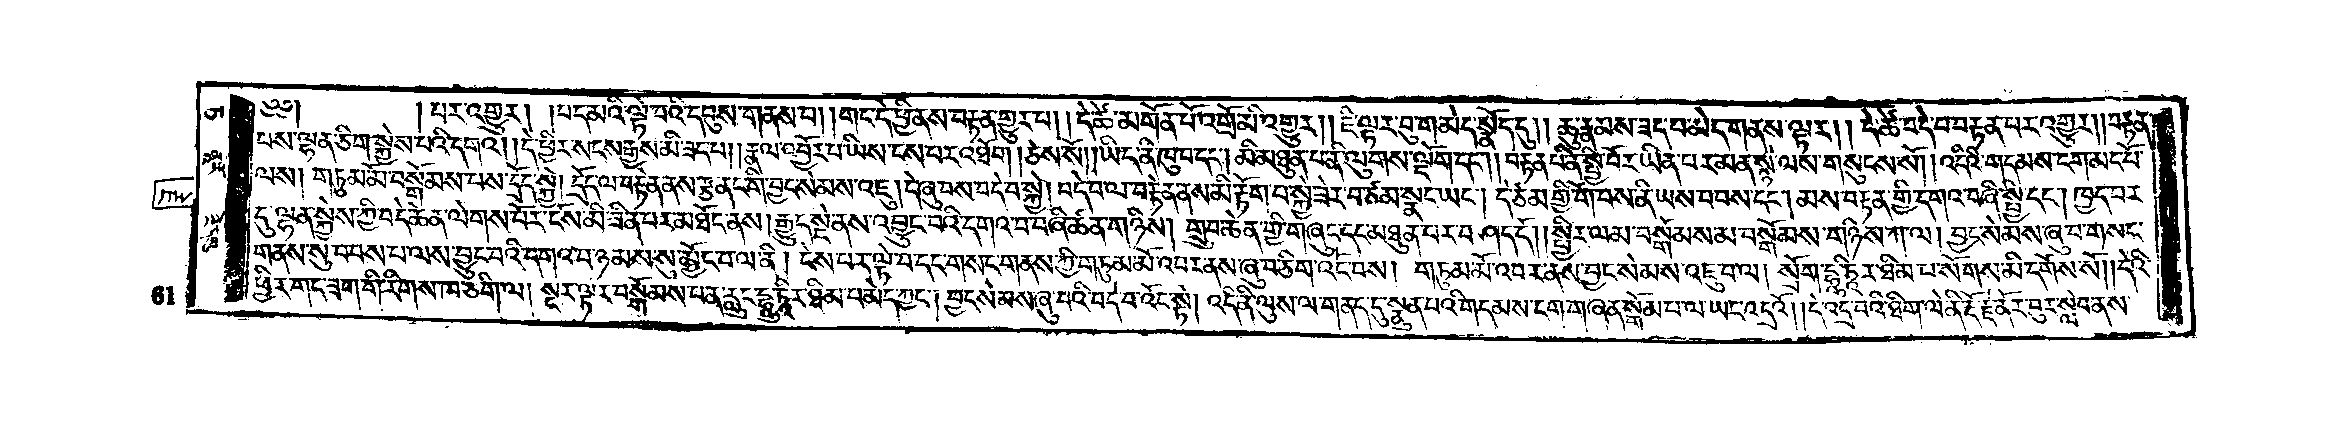༄༅། །པར་འགྱུར། །པད་མའི་ལྟེ་བའི་དབུས་གནས་པ། །གང་དེ་ཕྱི་ནས་བརྟན་གྱུར་པ། །དེ་ཚེ་མགོན་པོ་འགྲོ་མི་འགྱུར། །ཇི་ལྟར་བུ་ག་མེད་སྣོད་དུ། །ཆུ་རྣམས་ཟད་པ་མེད་གནས་ལྟར། །དེ་ཚེ་བདེ་བ་བརྟན་པར་འགྱུར། །བརྟན་
པས་ལྷན་ཅིག་སྐྱེས་པའི་དགའ། །དེ་ཕྱིར་སངས་རྒྱས་མི་ཟད་པ། །རྣལ་འབྱོར་པ་ཡིས་ངས་པར་འཐོབ། །ཅེས་སོ། །ཡིད་ནི་ཁུ་བ་དང་། མི་མཐུན་པ་ནི་ལུགས་ལྡོག་དང་། །བརྟན་པ་ནི་སྤྱི་བོར་ཡིན་པར་མན་སྙེ་ལས་གསུངས་སོ། །འདིའི་གདམས་ངག་མང་པོ་
ལས། གཏུམ་མོ་བསྒོམས་པས་དྲོད་སྐྱེ། དྲོད་ལ་བརྟེན་ནས་རྩ་ནང་གི་བྱང་སེམས་འཇུ། དེ་ཞུ་བས་བདེ་བ་སྐྱེ། བདེ་བ་ལ་བརྟེན་ནས་མི་རྟོག་པ་སྐྱེ་ཟེར་བ་ཙམ་སྣང་ཡང་། དེ་ཙམ་གྱི་གོ་བས་ནི་ཡས་བབས་དང་། མས་བརྟན་གྱི་དགའ་བཞི་སྤྱི་དང་། ཁྱད་པར་
དུ་ལྷན་སྐྱེས་ཀྱི་བདེ་ཆེན་ལེགས་པོར་ངོས་མི་ཟིན་པར་མཐོང་ནས། རྒྱུད་སྡེ་ནས་འབྱུང་བའི་དགའ་བ་བཞི་ཚན་གཉིས། གྲུབ་ཆེན་གྱི་གཞུང་དང་མཐུན་པར་བཤད་དོ། །སྤྱིར་ལམ་བསྒོམས་མ་བསྒོམས་གཉིས་ཀ་ལ། བྱང་སེམས་ཞུ་བ་གསང་
གནས་སུ་བབས་པ་ལས་བྱུང་བའི་དགའ་བ་ཉམས་སུ་མྱོང་བ་ལ་ནི། ངེས་པར་ལྟེ་བ་དང་གསང་གནས་ཀྱི་གཏུམ་མོ་འབར་ནས་ཞུ་བ་ཅིག་འོང་བས། གཏུམ་མོ་འབར་ནས་བྱང་སེམས་འཇུ་བ་ལ། སྲོག་དྷཱུ་ཏཱིར་ཐིམ་པ་སོགས་མི་དགོས་སོ། །དེའི་
ཕྱིར་གང་ཟག་གི་རིགས་ཁ་ཅིག་ལ། སྔར་ལྟར་བསྒོམས་པ་ན་རླུང་དྷཱུ་ཏཱིར་ཐིམ་པ་མེད་ཀྱང་། བྱང་སེམས་ཞུ་བའི་བདེ་བ་འོང་སྟེ། འདི་ནི་ལུས་ལ་གནད་དུ་སྣུན་པའི་གདམས་ངག་གཞན་སྒོམ་པ་ལ་ཡང་འདྲའོ། །དེ་འདྲ་བའི་ཐིག་ལེ་ནི་རྡོ་རྗེ་ནོར་བུར་སླེབ་ནས་